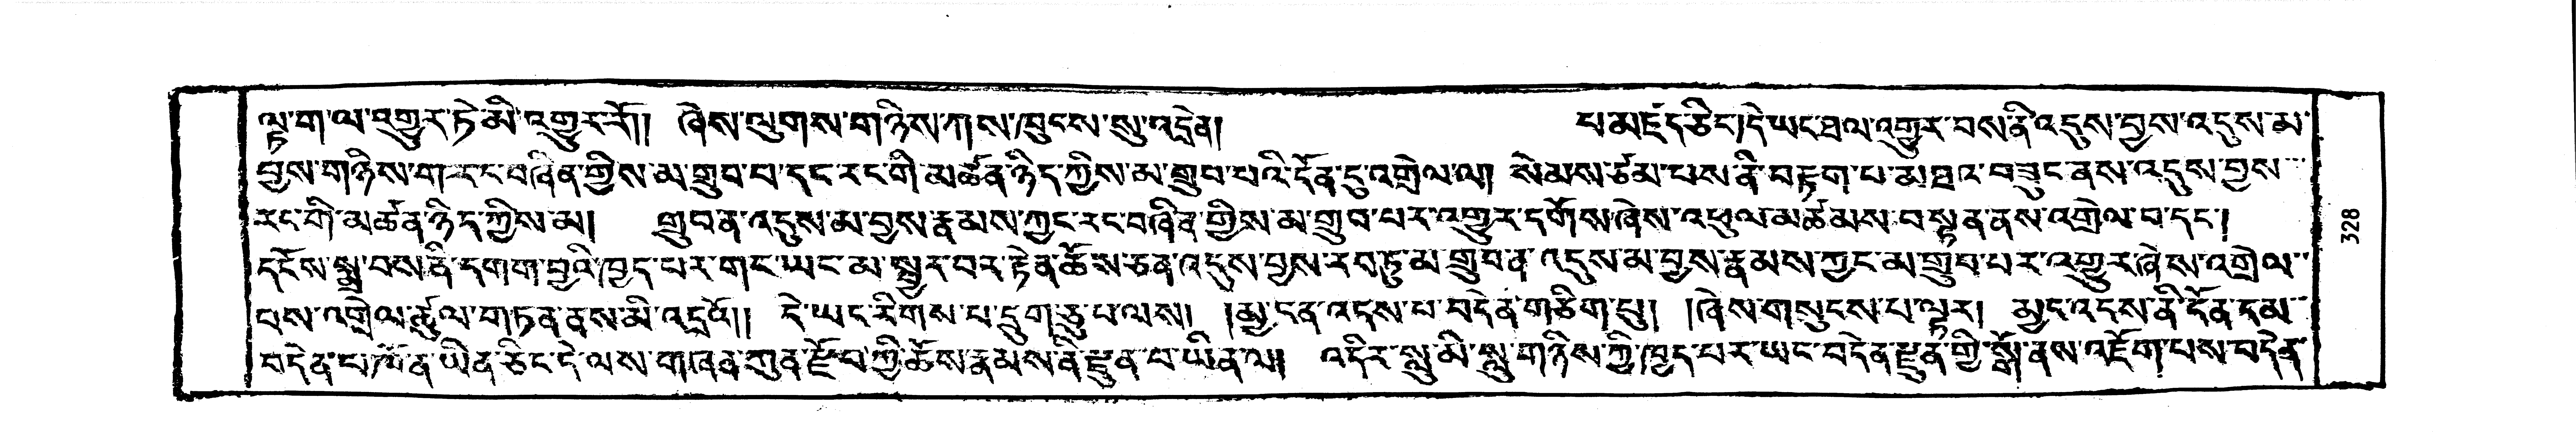ལྟ་ག་ལ་འགྱུར་ཏེ་མི་འགྱུར་རོ། །ཞེས་ལུགས་གཉིས་ཀས་ཁུངས་སུ་འདྲེན། པ་མཛད་ཅིང་། དེ་ཡང་ཐལ་འགྱུར་བས་ནི་འདུས་བྱས་འདུས་མ་
བྱས་གཉིས་ག་རང་བཞིན་གྱིས་མ་གྲུབ་པ་དང་རང་གི་མཚན་ཉིད་ཀྱིས་མ་གྲུབ་པའི་དོན་དུ་འགྲེལ་ལ། སེམས་ཙམ་པས་ནི་བརྟག་པ་མཐའ་བཟུང་ནས་འདུས་བྱས་
རང་གི་མཚན་ཉིད་ཀྱིས་མ། གྲུབ་ན་འདུས་མ་བྱས་རྣམས་ཀྱང་རང་བཞིན་གྱིས་མ་གྲུབ་པར་འགྱུར་དགོས་ཞེས་འཕུལ་མཚམས་བསྟན་ནས་འགྲེལ་བ་དང་།
དངོས་སྨྲ་བས་ནི་དགག་བྱའི་ཁྱད་པར་གང་ཡང་མ་སྦྱར་བར་རྟེན་ཆོས་ཅན་འདུས་བྱས་རབ་ཏུ་མ་གྲུབ་ན་འདུས་མ་བྱས་རྣམས་ཀྱང་མ་གྲུབ་པར་འགྱུར་ཞེས་འགྲེལ་
བས་འགྲེལ་ཚུལ་གཏན་ནས་མི་འདྲའོ། །དེ་ཡང་རིགས་པ་དྲུག་ཅུ་པ་ལས། །མྱང་ངན་འདས་པ་བདེན་གཅིག་པུ། །ཞེས་གསུངས་པ་ལྟར། མྱང་འདས་ནི་དོན་དམ་
བདེན་པ་ཁོ་ན་ཡིན་ཅིང་དེ་ལས་གཞན་ཀུན་རྫོབ་ཀྱི་ཆོས་རྣམས་ནི་རྫུན་པ་ཡིན་ལ། འདིར་སླུ་མི་སླུ་གཉིས་ཀྱི་ཁྱད་པར་ཡང་བདེན་རྫུན་གྱི་སྒོ་ནས་འཇོག་པས་བདེན་